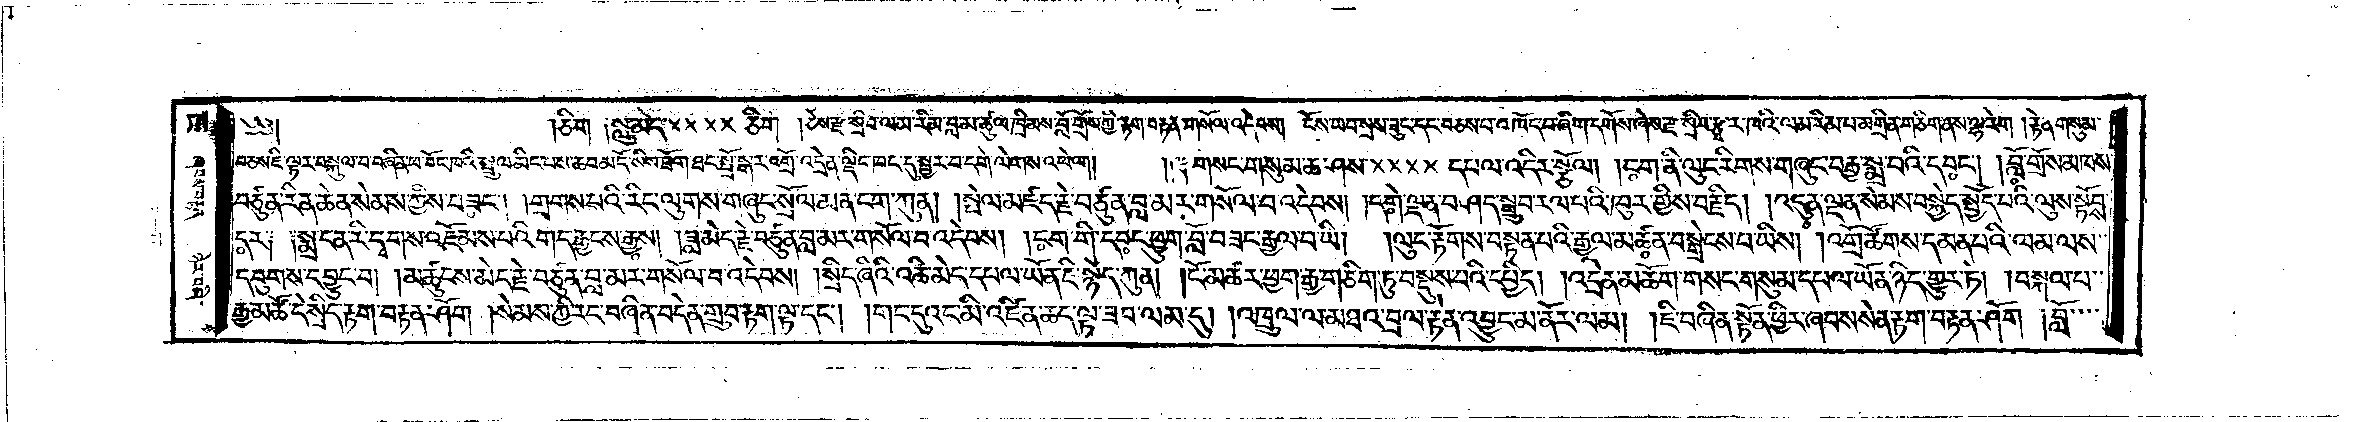༄༅། །ཅིག ༑སླུ་མེད་྾྾྾་ཅིག །ཅེས་རྫ་སྲིབ་ལམ་རིམ་བླ་མ་ཚུལ་ཁྲིམས་བློ་གྲོས་ཀྱི་རྟག་བརྟན་གསོལ་འདེབས། །ངོས་ཡབ་སྲས་ཟུང་དང་བཅས་པ་འཁོད་བ་ཞིག་དགོས་ཞེས་རྫ་སྲིབ་རྩྭར་ཁའི་ལམ་རིམ་པ་མགྲིན་གཅིག་ནས་ལྷ་རེག །རྟེན་གསུམ་
བཅས་ཇི་ལྟར་བསྐུལ་བ་བཞིན་ཕ་བོང་ཁའི་སྤྲུལ་མིང་པས་ཆབ་མདོ་སིས་ཐོག་ཐང་སྤྲོ་སྒར་འགྲོ་འདྲེན་ལྡིང་ཁང་དུ་སྦྱར་བ་དགེ་ལེགས་འཕེལ།། ། ༈ གསང་གསུམ་ཆ་ཤས་྾྾྾་དཔལ་འདིར་སྩོལ། །ངག་ནི་ལུང་རིགས་གཞུང་བརྒྱ་སྨྲ་བའི་དབང་། །བློ་གྲོས་མཁས་
བཙུན་རིན་ཆེན་སེམས་ཀྱིས་བཟང་། །གྲགས་པའི་རིང་ལུགས་གཞུང་སྲོལ་མན་ངག་ཀུན། །སྤེལ་མཛད་རྗེ་བཙུན་བླ་མར་གསོལ་བ་འདེབས། །དགེ་ལྡན་བཤད་སྒྲུབ་རལ་བའི་ཁུར་གྱིས་བརྫིད། །འདུན་ལྡན་སེམས་བསྐྱེད་སྤྱོད་པའི་ལུས་སྟོབས་
དར༑ ༑སྨྲ་ངན་རི་དྭགས་འཇོམས་པའི་གད་རྒྱངས་རྒྱུས། །ཟླ་མེད་རྗེ་བཙུན་བླ་མར་གསོལ་བ་འདེབས། །ངག་གི་དབང་ཕྱུག་བློ་བཟང་རྒྱལ་བ་ཡི། །ལུང་རྟོགས་བསྟན་པའི་རྒྱལ་མཚན་བསྒྲེངས་པ་ཡིས། །འགྲོ་ཚོགས་དམན་པའི་ལམ་ལས་
དབུགས་དབྱུང་བ། །མཚུངས་མེད་རྗེ་བཙུན་བླ་མར་གསོལ་བ་འདེབས། །སྲིད་ཞིའི་འཆི་མེད་དཔལ་ཡོན་ཇི་སྙེད་ཀུན། །ངོ་མཚར་ཕྱག་རྒྱ་གཅིག་ཏུ་བསྡུས་པའི་དཔྱིད། །འདྲིན་མཆོག་གསང་གསུམ་དཔལ་ཡོན་ཉིད་གྱུར་ཏེ། །བསྐལ་བ་
རྒྱ་མཚོ་དེ་སྲིད་རྟག་བརྟན་ཤོག །སེམས་ཀྱི་རང་བཞིན་བདེན་གྲུབ་རྟག་ལྟ་དང་། །གང་དུའང་མི་འཛིན་ཆད་ལྟ་ཟབ་ལམ་དུ། །འཁྲུལ་ལ་མཐང་བྲལ་རྟེན་འབྱུང་མ་ནོར་ལམ། །ཇི་བཞིན་སྟོན་ཕྱིར་ཞབས་སེན་རྟག་བརྟན་ཤོག །བློ་